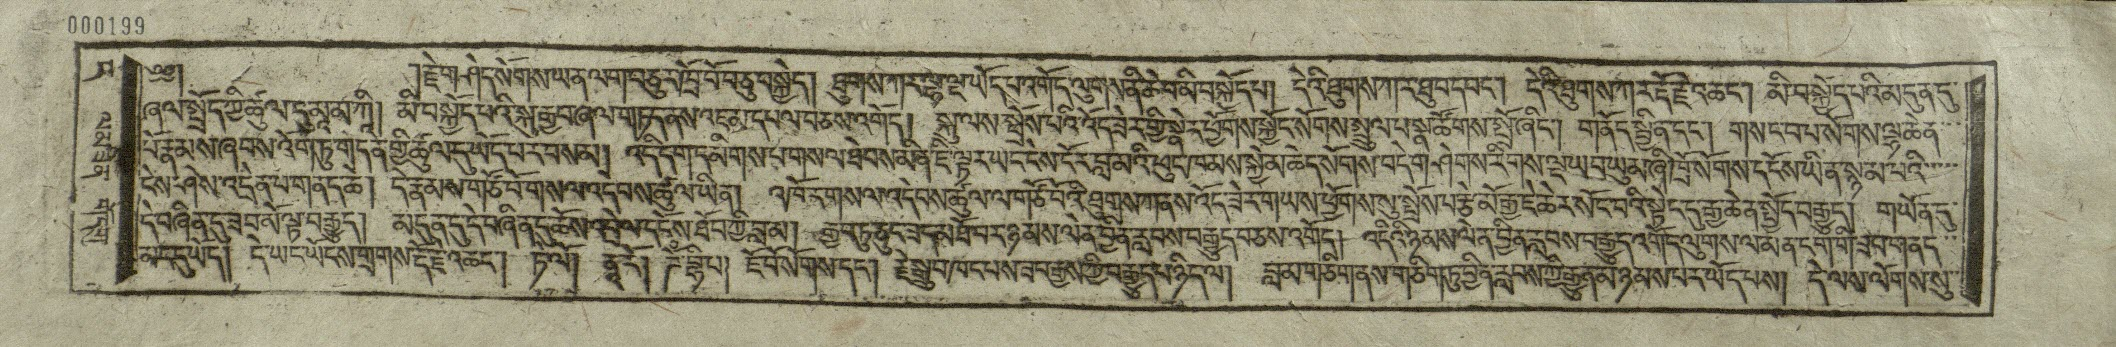༄༅། །རྗེ་གཤེད་སོགས་ཡན་ལག་བཅུར་ཁྲོ་བོ་བཅུ་བསྐྱེད། ཐུགས་ཀར་ལྷ་ལྔ་ཡོད་པ་འགོད་ལུགས་ནི་ཆེ་བ་མི་བསྐྱོད་པ། དེའི་ཐུགས་ཀར་ཐུབ་དབང་། དེའི་ཐུགས་ཀར་རྡོ་རྗེ་འཆང་། མི་བསྐྱོད་པའི་མདུན་དུ་
ཞལ་སྤྲོད་ཀྱི་ཚུལ་དུ་མཱ་མ་ཀཱི། མི་བསྐྱོད་པའི་སྐུ་རྒྱབ་ཞལ་གཏད་ནས་འཇམ་དཔལ་བཅས་འགོད། སྐུ་ལས་སྤྲོས་པའི་འོད་ཟེར་གྱི་སྣེར་ཕྱོགས་སྐྱོང་སོགས་སྤྲུལ་པ་སྣ་ཚོགས་སྤྲོ་ཞིང་། གནོད་སྦྱིན་དང་། གསང་བ་པ་སོགས་ལྷ་ཆེན་
པོ་རྣམས་ཞབས་འོག་ཏུ་གདན་གྱི་ཚུལ་དུ་ཡོད་པར་བསམ། འདི་དག་དམིགས་པ་གསལ་ཐེབས་མིན་ཇི་ལྟར་ཡང་ངེས་ངོར་བླ་མའི་ཕུང་ཁམས་སྐྱེ་མཆེད་སོགས་བདེ་གཤེགས་རིགས་ལྔ་ཡབ་ཡུམ་ཞི་ཁྲོ་སོགས་དངོས་ཡིན་སྙམ་པའི་
ངེས་ཤེས་འདྲེན་པ་གནད་ཆེ། དེ་རྣམས་གཙོ་བོ་གསལ་འདེབས་ཚུལ་ཡིན། འཁོར་གསལ་འདེབས་ཚུལ་ལ་གཙོ་བོའི་ཐུགས་ཀ་ནས་འོད་ཟེར་གཡས་ཕྱོགས་སུ་སྤྲོས་པ་རྩེ་མོ་རྒྱ་ཇེ་ཆེར་སོང་བའི་སྟེང་དུ་རྒྱ་ཆེན་སྤྱོད་བརྒྱུད། གཡོན་དུ་
དེ་བཞིན་དུ་ཟབ་མོ་ལྟ་བརྒྱུད། མདུན་དུ་དེ་བཞིན་དུ་ཆོས་འབྲེལ་དངོས་ཐོབ་ཀྱི་བླ་མ། རྒྱབ་ཏུ་ཅུང་ཟད་མཐོ་བར་ཉམས་ལེན་བྱིན་རླབས་བརྒྱུད་བཅས་འགོད། འདིའི་ཉམས་ལེན་བྱིན་རླབས་བརྒྱུད་འགོད་ལུགས་ལ་མན་ངག་གི་ཟབ་གནད་
མང་དུ་ཡོད། དེ་ཡང་ཡོངས་གྲགས་རྡོ་རྗེ་འཆང་། ཏེ་ལོ། ནཱ་རོ། ཌོཾ་བྷི་པ། ཇོ་བོ་སོགས་དང་། རྗེ་སྒྲུབ་ཁང་པས་ཟབ་རྒྱས་ཀྱི་བརྒྱུད་པ་ཉིད་ལ། བླ་མ་གཅིག་ནས་གཅིག་ཏུ་བྱིན་རླབས་ཀྱི་རྒྱུན་མ་ཉམས་པར་ཡོད་པས། དེ་ལས་ལོགས་སུ་